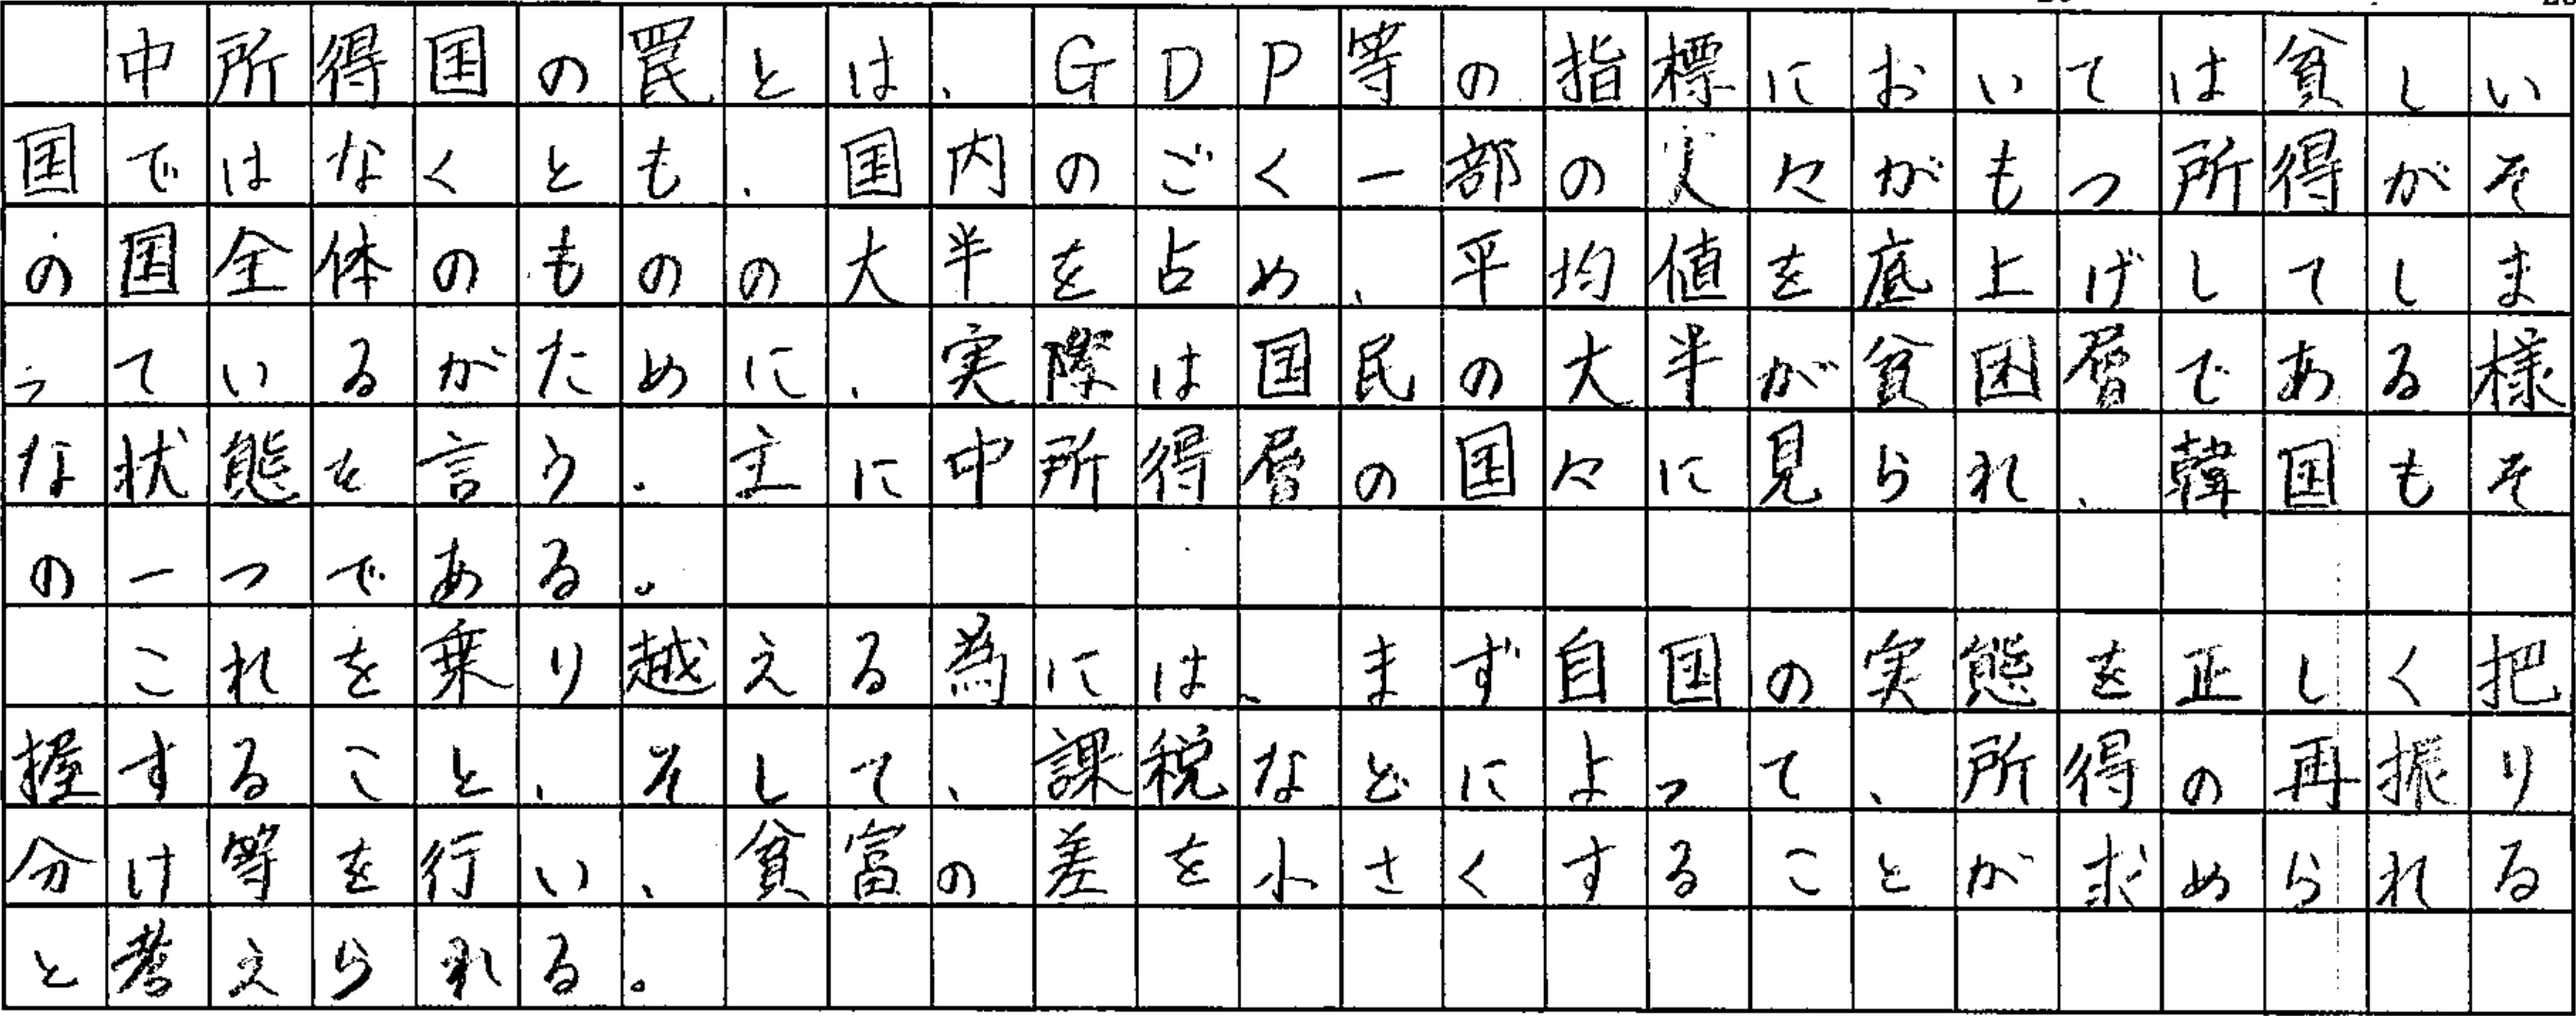　中所得国の罠とは、ＧＤＰ等の指標においては貧しい国ではなくとも、国内のごく一部の人々がもつ所得がその国全体のものの大半を占め、平均値を底上げしてしまっているがために、実際は国民の大半が貧困層である様な状態を言う。主に中所得層の国々に見られ、韓国もその一つである。
　これを乗り越える為には、まず自国の実態を正しく把握すること、そして、課税などによって、所得の再振り分け等を行い、貧富の差を小さくすることが求められると考えられる。
